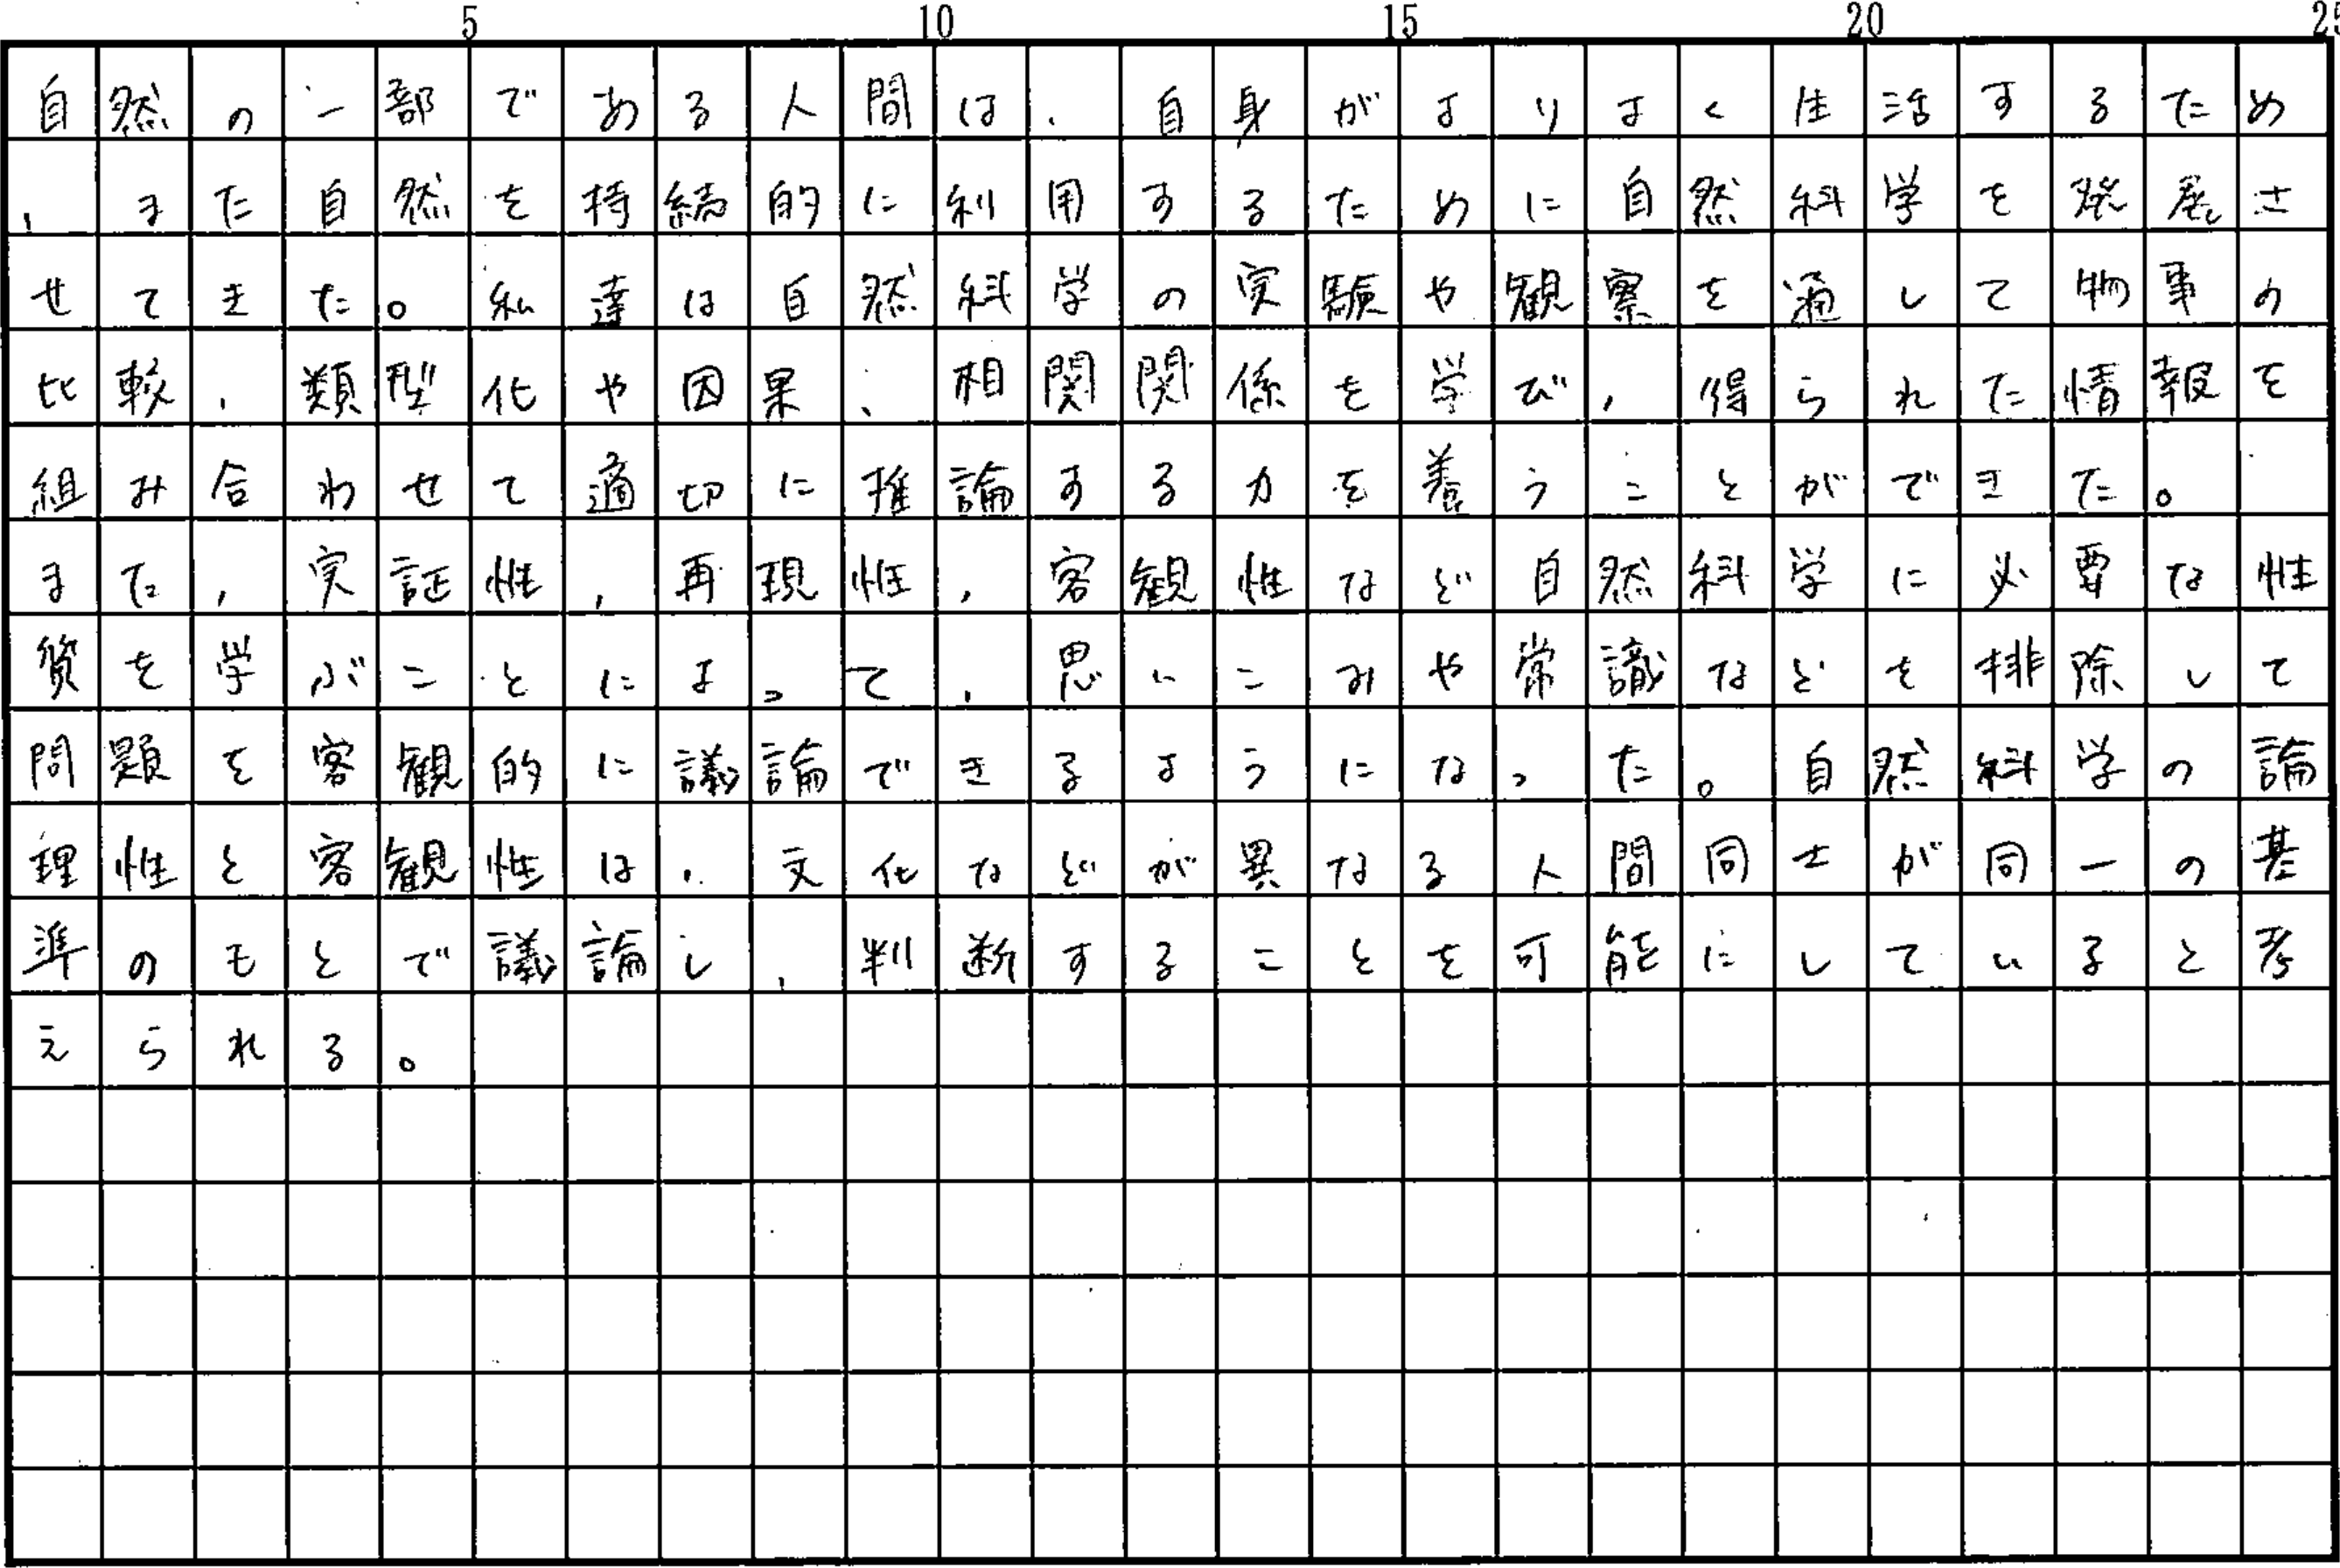自然の一部である人間は、自身がよりよく生活するため、また自然を持続的に利用するために自然科学を発展させてきた。私達は自然科学の実験や観察を通して物事の比較、類型化や因果、相関関係を学び、得られた情報を組み合わせて適切に推論する力を養うことができた。　また、実証性、再現性、客観性など自然科学に必要な性質を学ぶことによって、思いこみや常識などを排除して問題を客観的に議論できるようになった。自然科学の論理性と客観性は、文化などが異なる人間同士が同一の基準のもとで議論し、判断することを可能にしていると考えられる。
